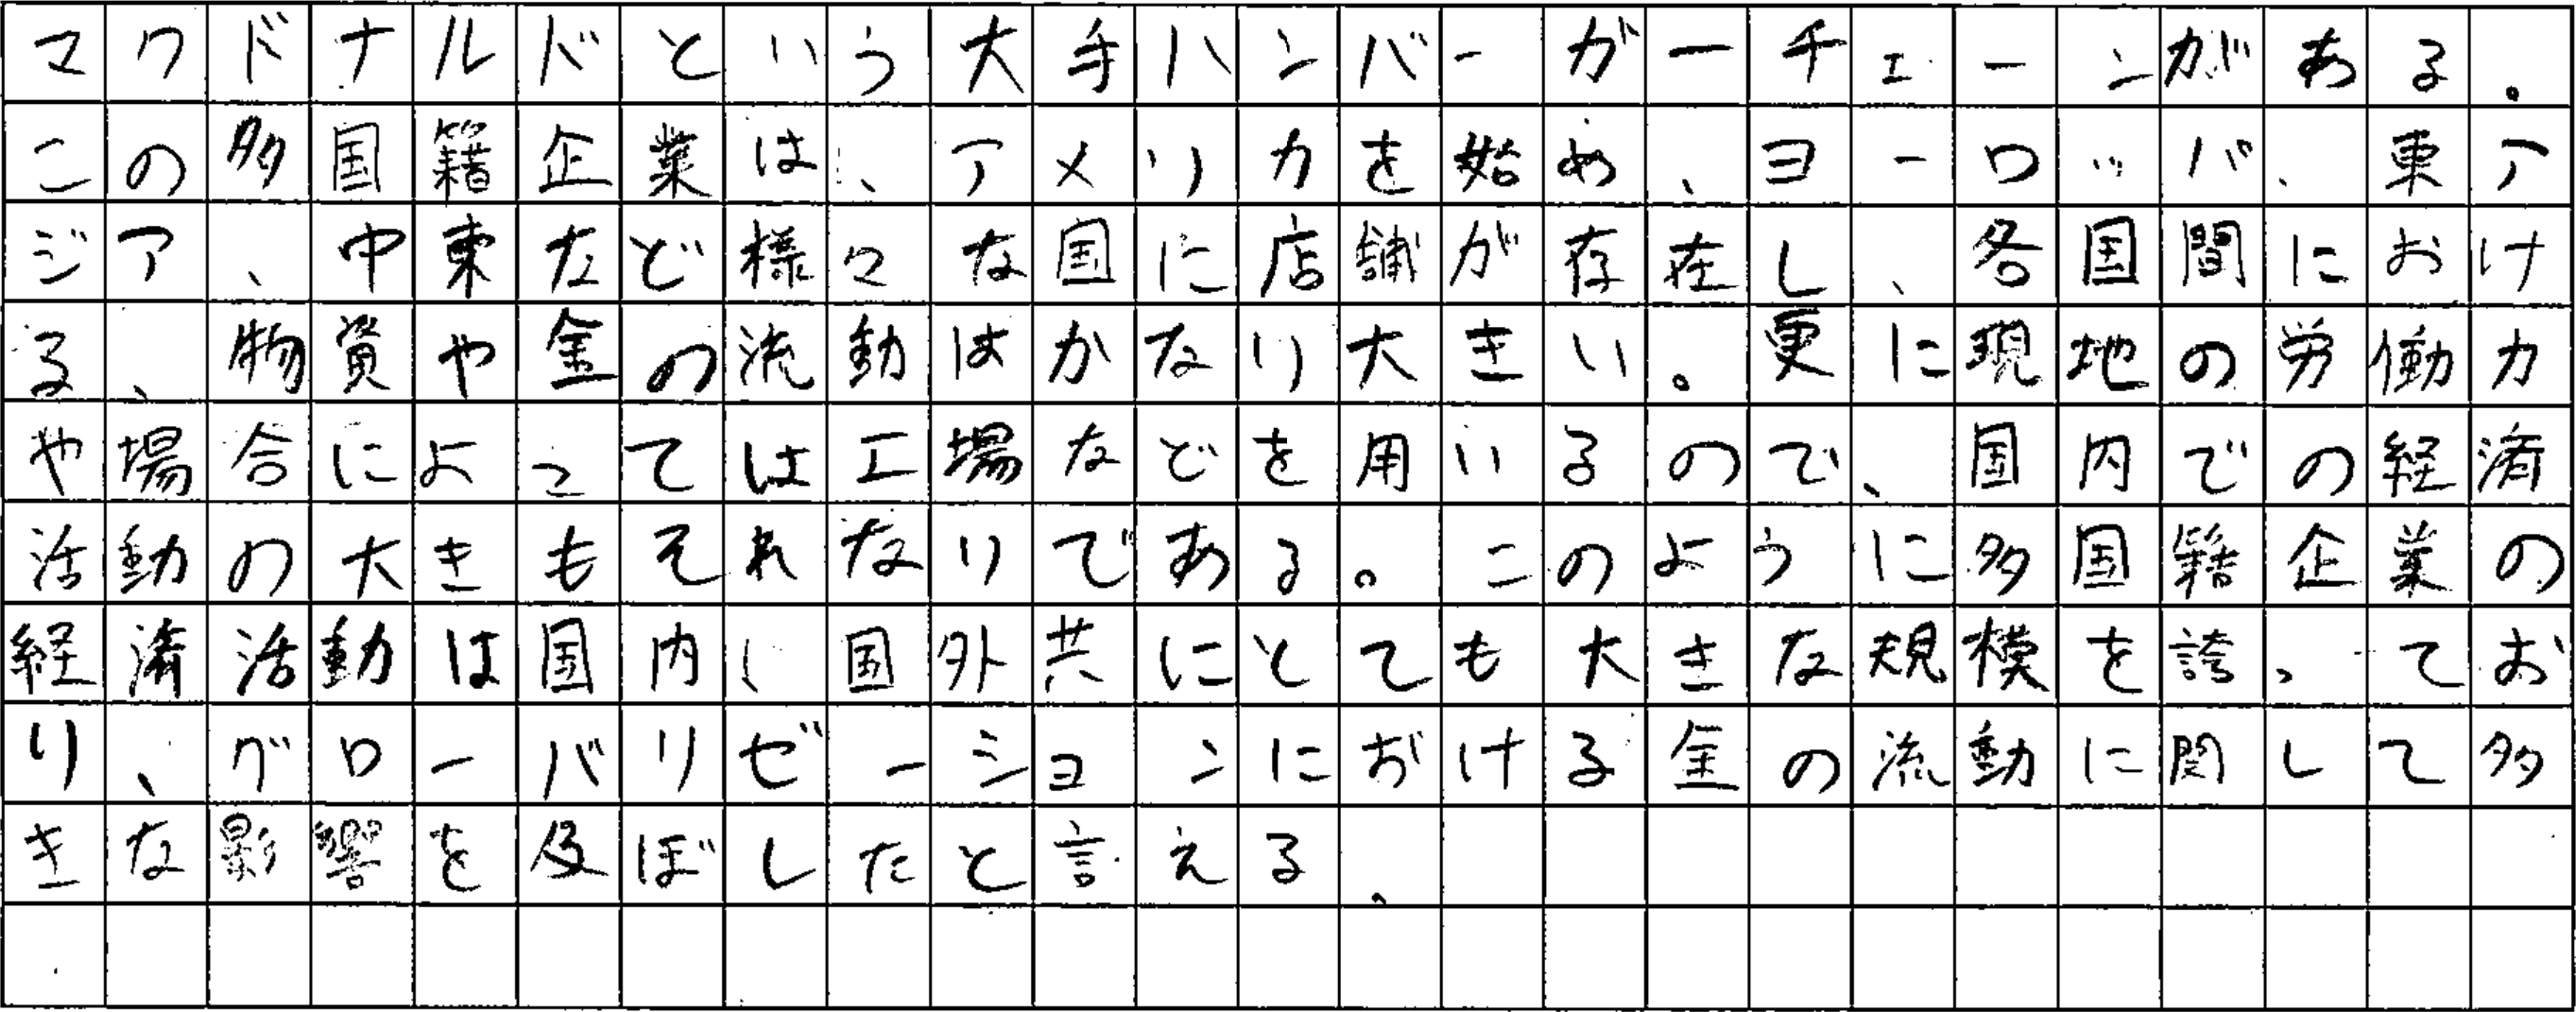マクドナルドという大手ハンバーガーチェーンがある。この多国籍企業は、アメリカを始め、ヨーロッパ、東アジア、中東など様々な国に店舗が存在し、各国間における、物資や金の流動はかなり大きい。更に現地の労働力や場合によっては工場などを用いるので、国内での経済活動の大きもそれなりである。このように多国籍企業の経済活動は国内、国外共にとても大きな規模を誇っており、グローバリゼーションにおける金の流動に関して多きな影響を及ぼしたと言える。
